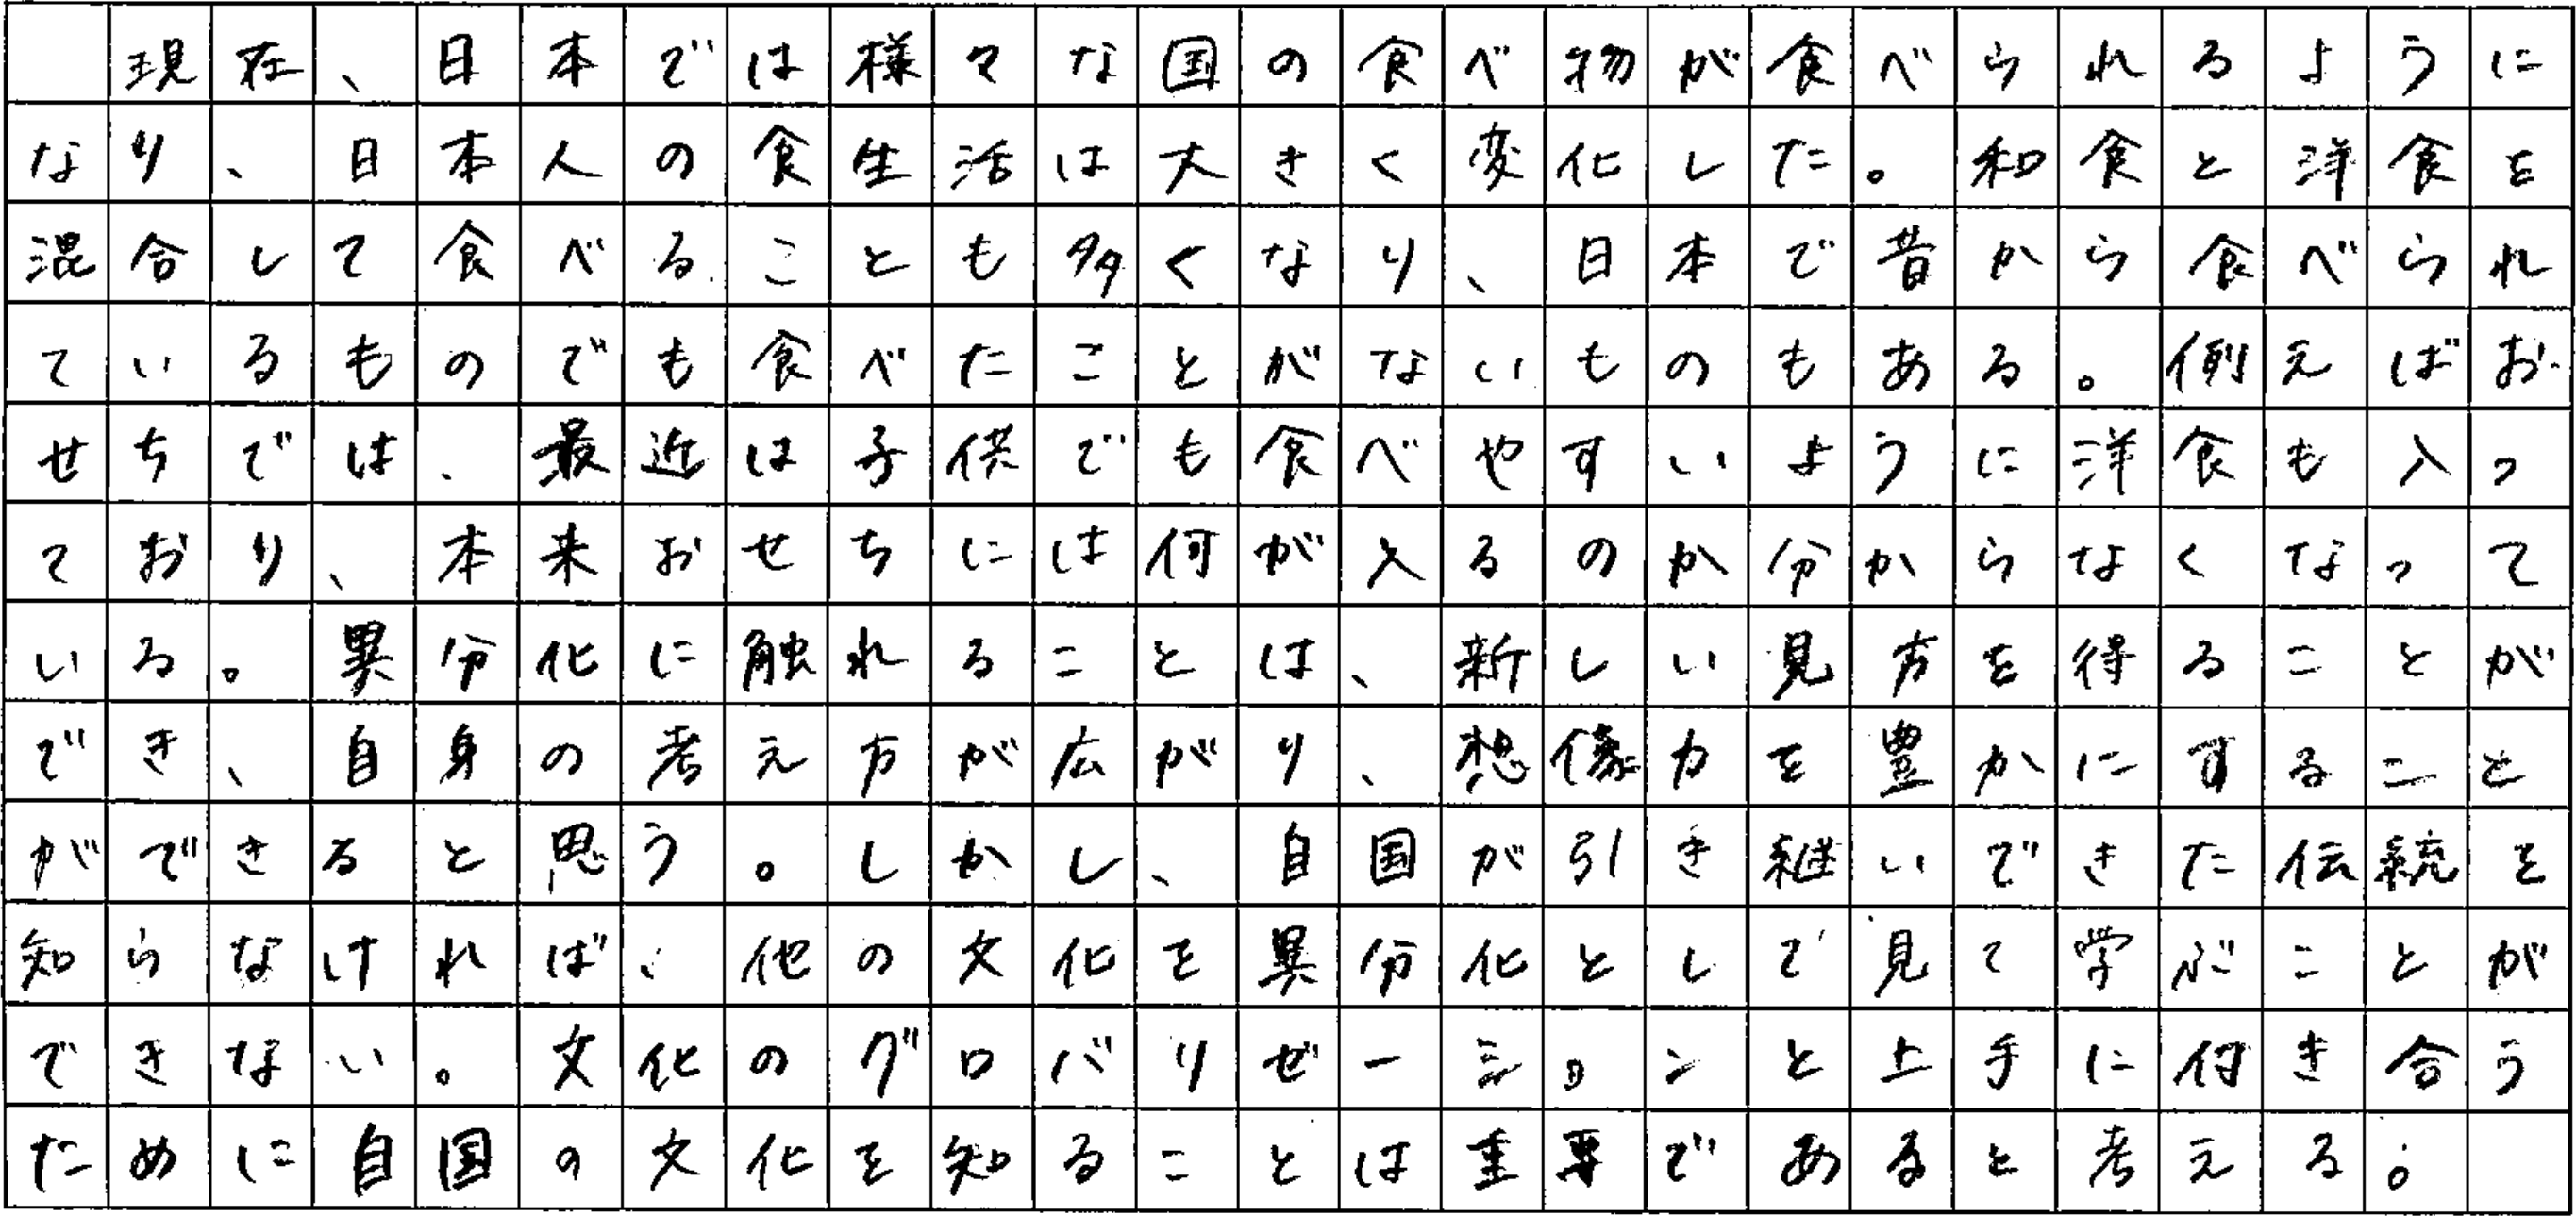　現在、日本では様々な国の食べ物が食べられるようになり、日本人の食生活は大きく変化した。和食と洋食を混合して食べることも多くなり、日本で昔から食べられているものでも食べたことがないものもある。例えばおせちでは、最近は子供でも食べやすいように洋食も入っており、本来おせちには何が入るのか分からなくなっている。異分化に触れることは、新しい見方を得ることができ、自身の考え方が広がり、想像力を豊かにすることができると思う。しかし、自国が引き継いできた伝統を知らなければ、他の文化を異分化として見て学ぶことができない。文化のグロバリゼーションと上手に付き合うために自国の文化を知ることは重要であると考える。
